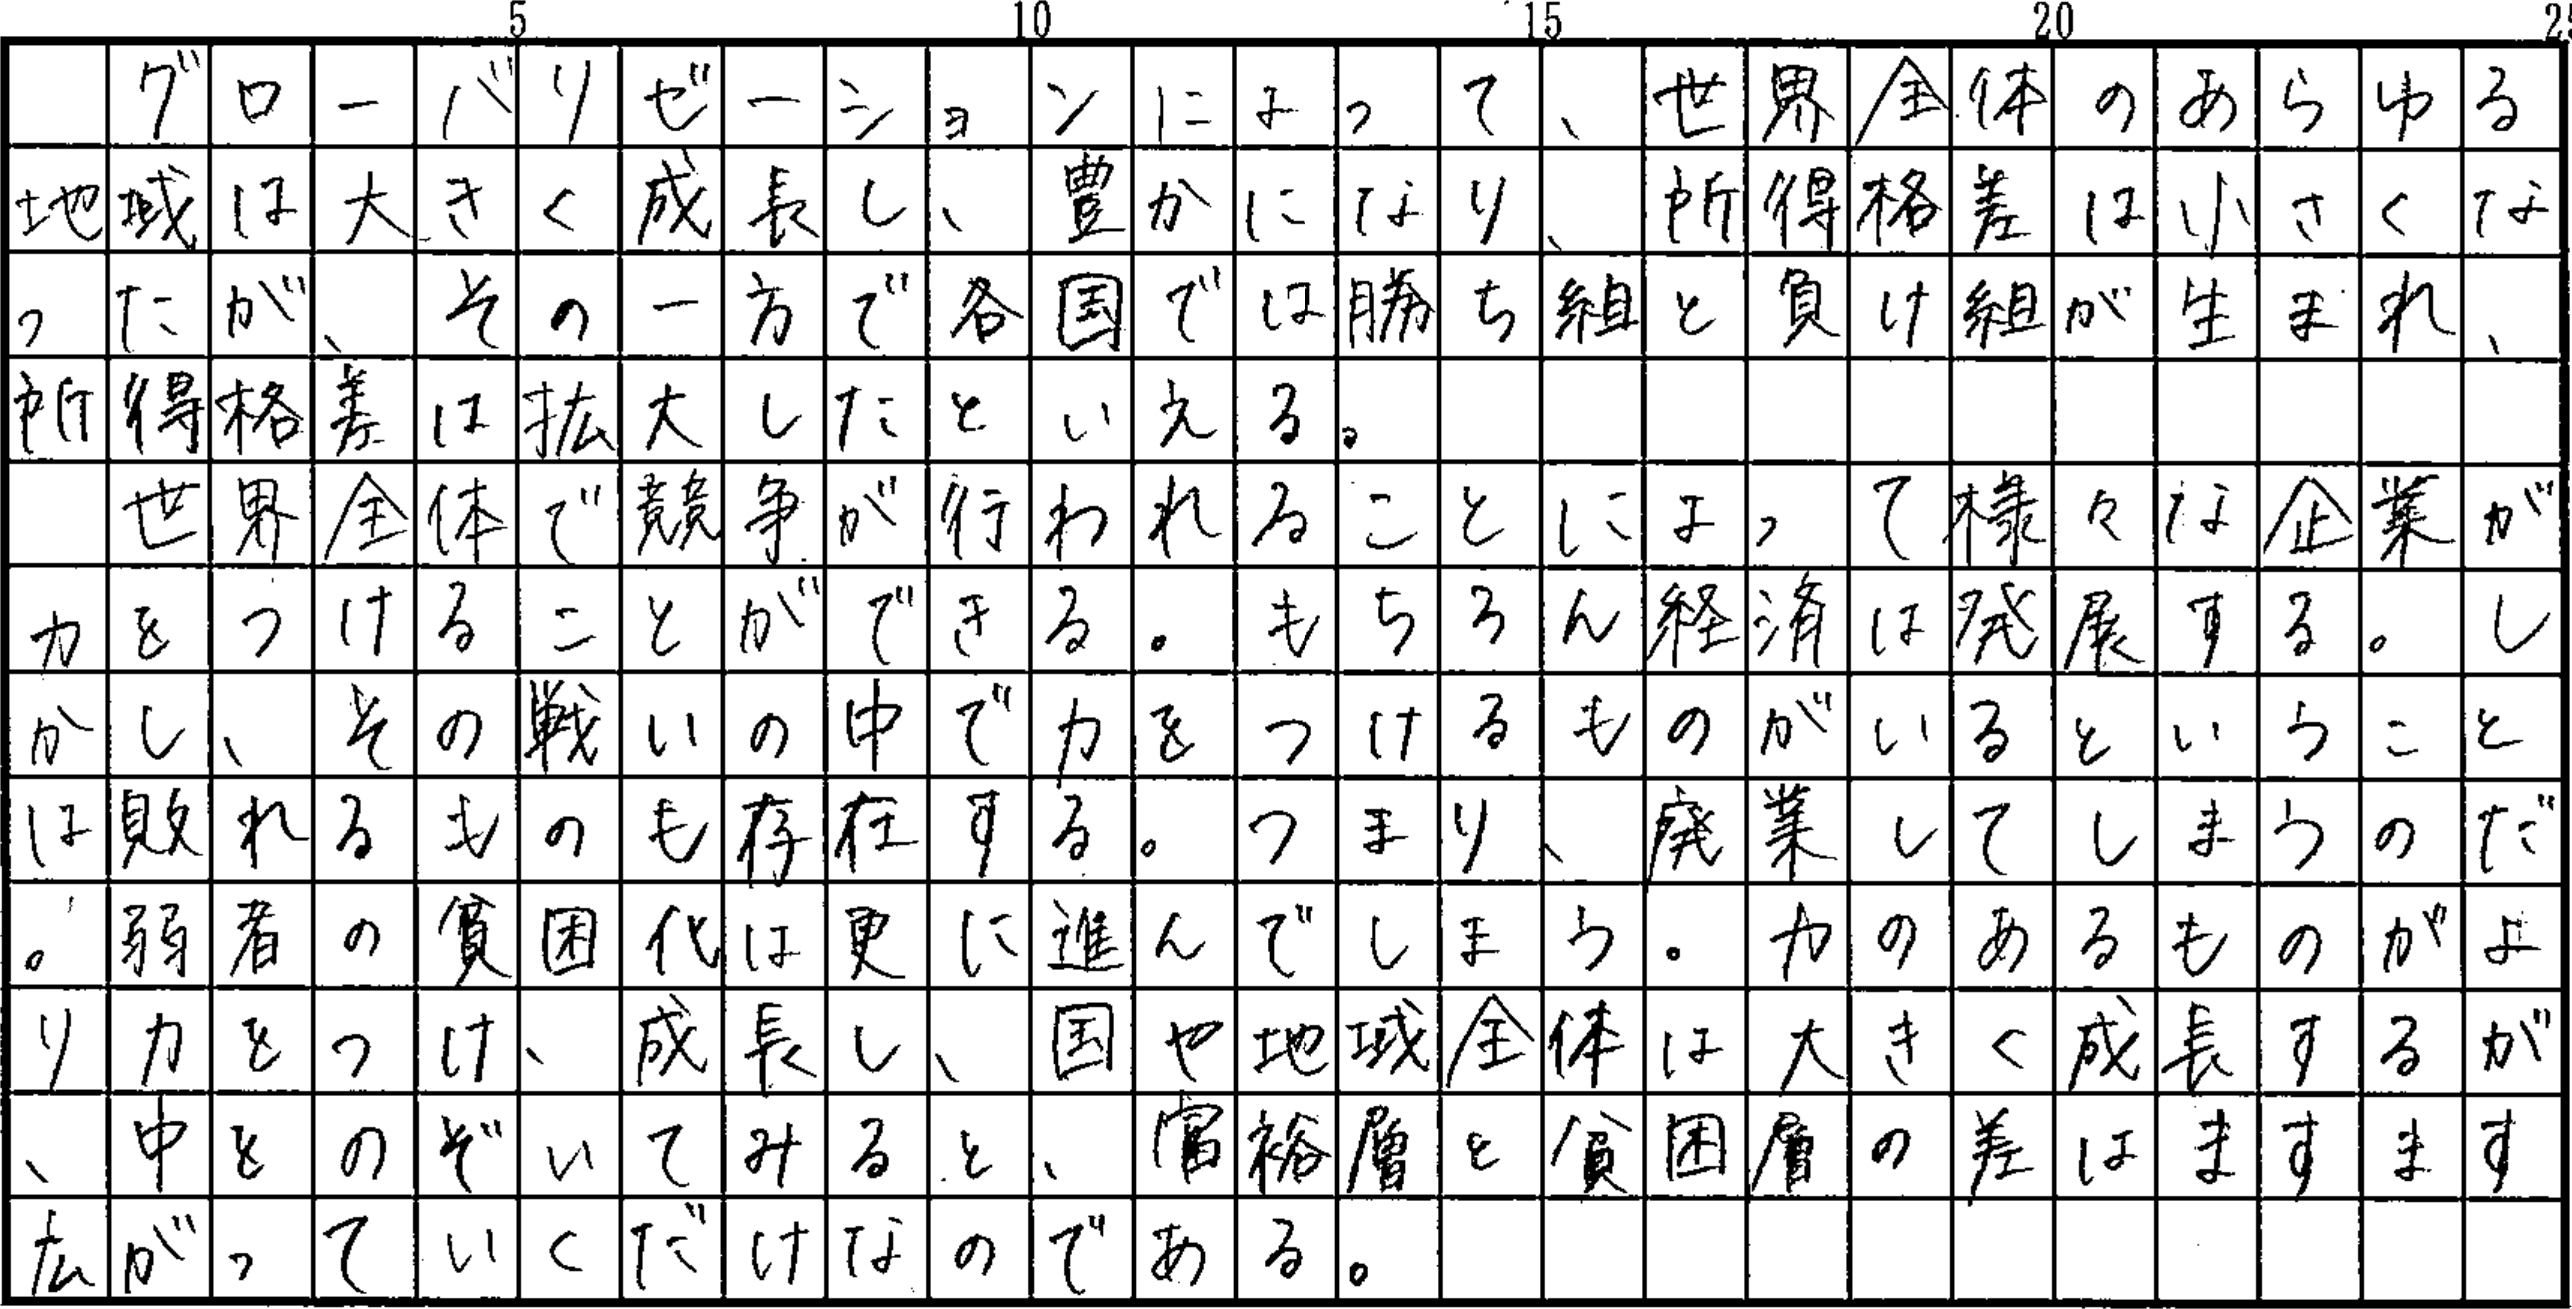　グローバリゼーションによって、世界全体のあらゆる地域は大きく成長し、豊かになり、所得格差は小さくなったが、その一方で各国では勝ち組と負け組が生まれ、所得格差は拡大したといえる。
　世界全体で競争が行われることによって様々な企業が力をつけることができる。もちろん経済は発展する。しかし、その戦いの中で力をつけるものがいるということは敗れるものも存在する。つまり、廃業してしまうのだ。弱者の貧困化は更に進んでしまう。力のあるものがより力をつけ、成長し、国や地域全体は大きく成長するが、中をのぞいてみると、富裕層と貧困層の差はますます広がっていくだけなのである。
